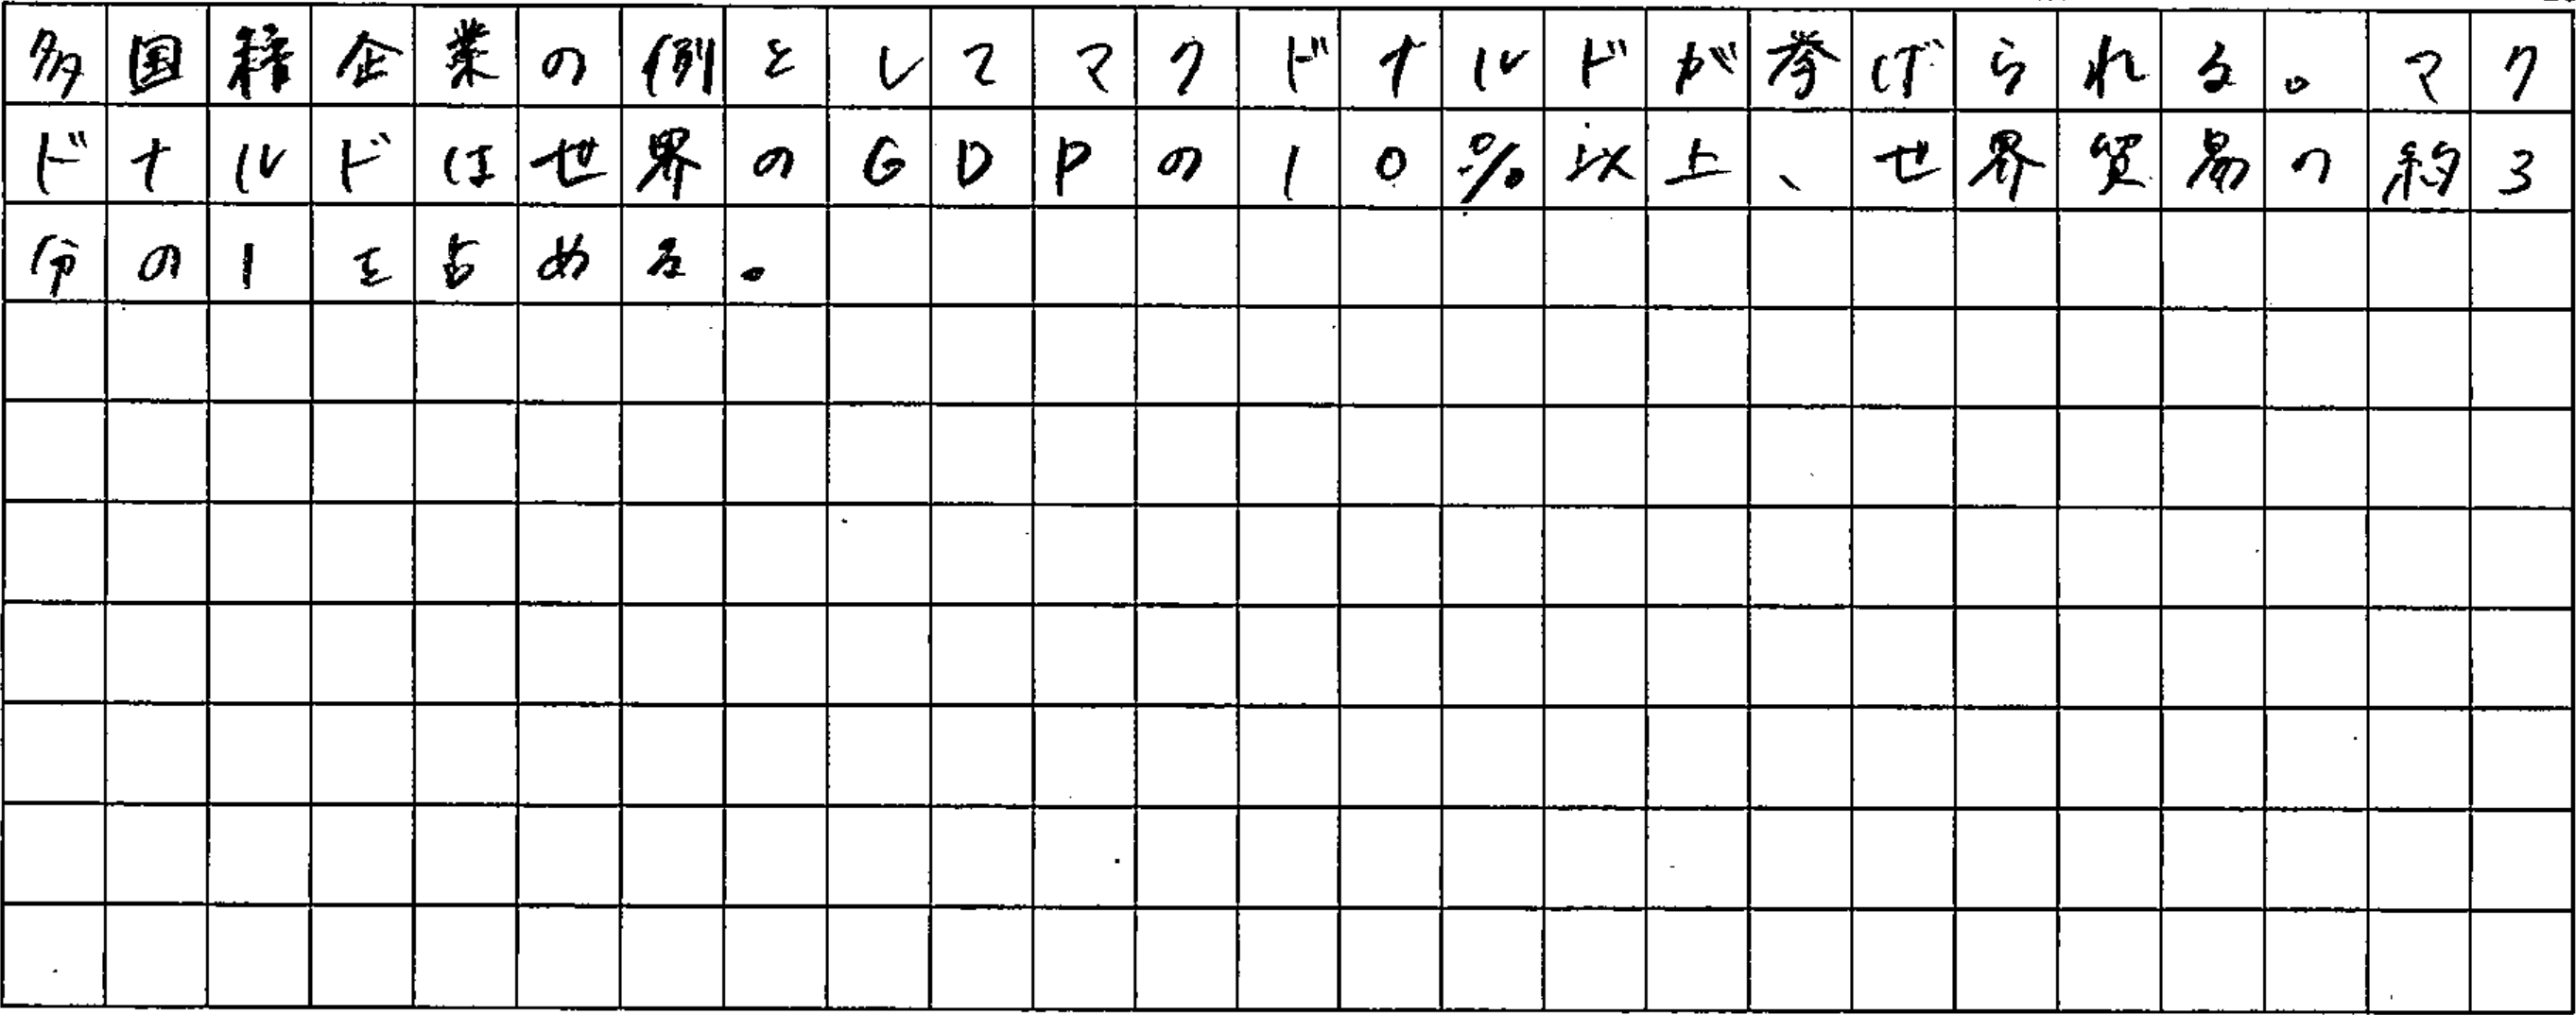多国籍企業の例としてマクドナルドが挙げられる。マクドナルドは世界のＧＤＰの１０％以上、世界貿易の約３分の１を占める。
